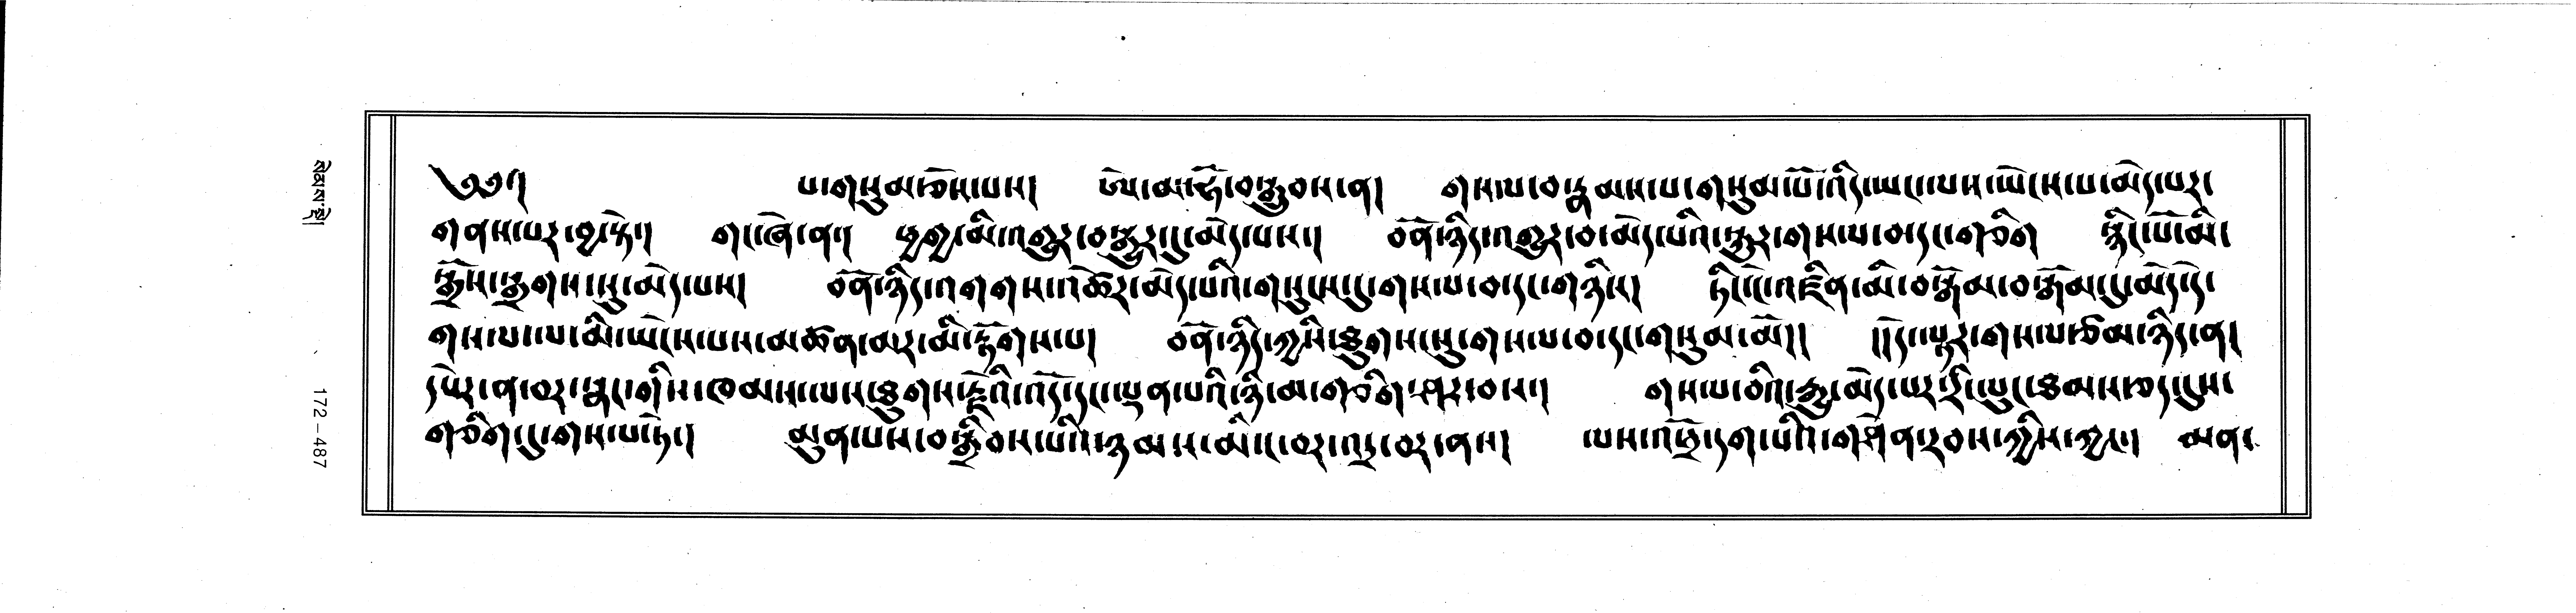པ་གསུམ་ཅེད་པས། ཨེ་མ་ཧོ་བསྒྲུབས་ན། གསལ་བ་རྣམ་པ་གསུམ་པོ་འདི་ཡང་ལས་གཡེངས་པ་མེད་པར་
གནས་པར་བྱ་སྟེ། གང་ཞེ་ན། ཕྱག་རྒྱ་མི་འགྱུར་བསྒྱུར་དུ་མེད་པས། བོན་ཉིད་འགྱུར་བ་མེད་པའི་སྐུར་གསལ་བ་དང་གཅིག སྙིང་པོ་མི་
སྒྲོས་སྒྲགས་སུ་མེད་པས། བོན་ཉིད་འགགས་འཚེར་མེད་པའི་གསུངས་དུ་གསལ་བ་དང་གཉིས། ཏིང་ངེ་འཛིན་མི་བསྒོམ་བསྒོམ་དུ་མེད་དེ་
གསལ་ལ་མི་གཡེངས་པས་མཚན་མར་མི་རྟོགས་པ། བོན་ཉིད་ཀྱིས་ཐུགས་སུ་གསལ་བ་དང་གསུམ་མོ། དེ་ལྟར་གསལ་ཙམ་ཉིད་ན། 
དཔེར་ན་བར་སྣང་གིས་ཁམས་ལས་ཐུགས་རྗེའི་འོད་དང་ལྡན་པའི་ཉི་མ་གཅིག་ཤར་བས། གསལ་བའི་རྒྱུ་མེད་པར་རི་ལུང་ཐམས་ཅད་དུས་
གཅིག་དུ་གསལ་ཏེ། མུན་པས་བསྒྲིབས་པའི་ཉམས་མི་མངའ་བར་འདྲ་བར་ནས། ལས་འཕྲོ་དག་པའི་གཤེན་རབ་ཀྱིས་ཀྱང་། མན་